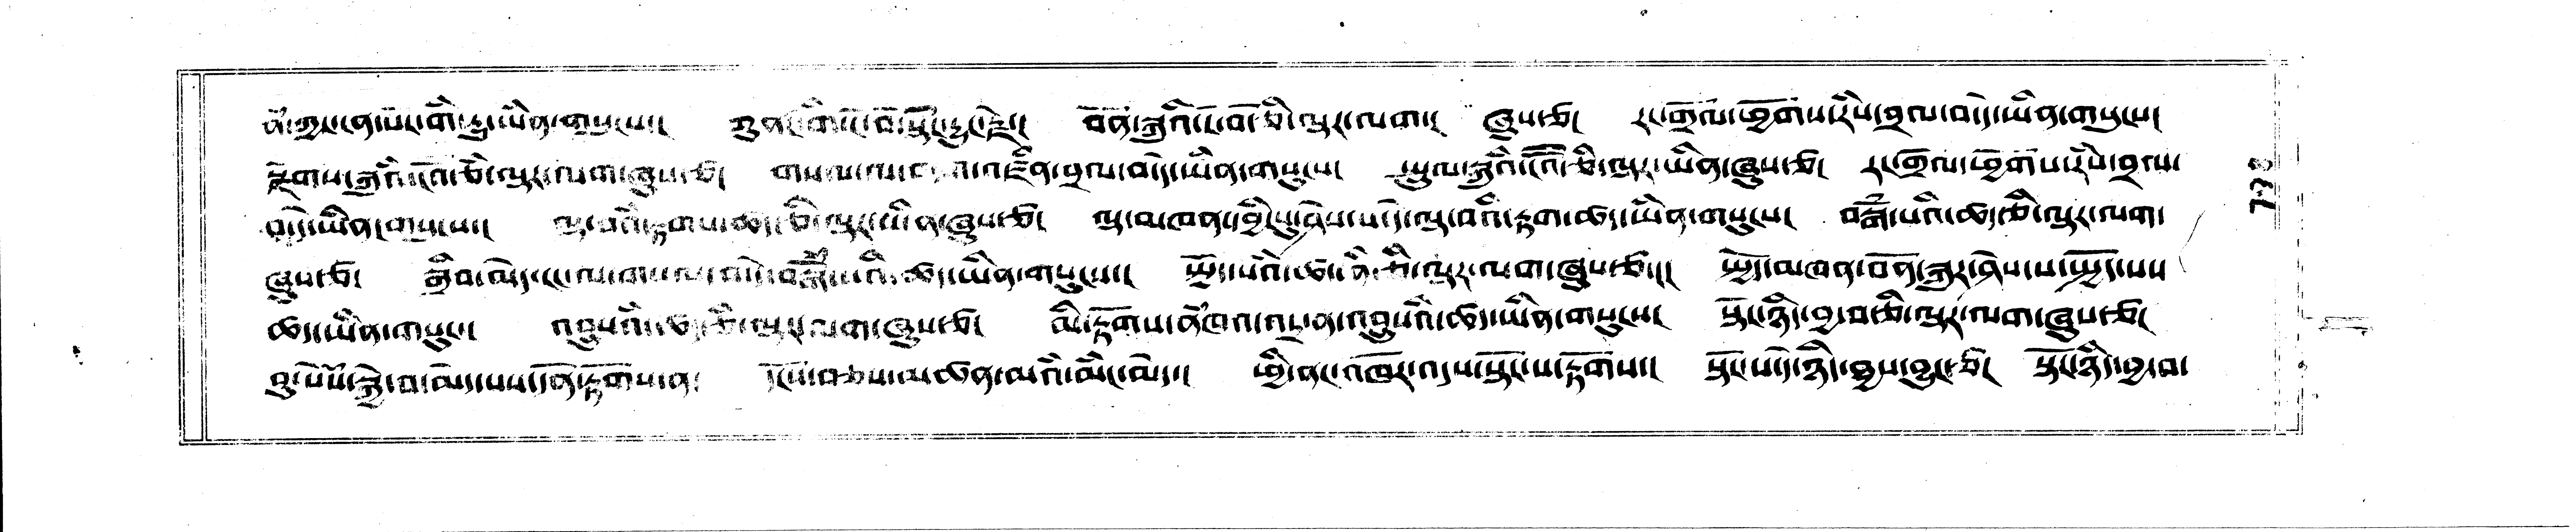ནམ་ཀྱང་༼ཡང་༽ངན་སོང་གི་རྒྱུ་ཡིན་གསུངས། ཀུན་བཟང་གི་ངོའོ་སྟོང་རྒྱུང་རྗེ། བོན་སྐུའི་ངོའོ་ཅི་ལྟར་ལགས། ཞུས་ཙ། རང་གྲོལ་ཕྱོགས་རིས་བྲལ་བ་དེ་ཡིན་གསུངས། 
རྫོགས་སྐུའི་ངོའོ་ཇི་ལྟར་ལགས་ཞུས་ཙ། གསལ་ལ་བདག་འཛིན་བྲལ་བ་དེ་ཡིན་གསུངས། སྤྲུལ་སྐུའི་ངོའོ་ཇི་ལྟར་ཡིན་ཞུས་ཙ། རང་གྲོལ་ཕྱོགས་རིས་བྲལ་
བ་དེ་ཡིན་གསུངས། ལྟ་བའི་རྟགས་ཚད་ཇི་ལྟར་ཡིན་ཞུས་ཙ། ལྟ་མཁན་དབྱིངས་སུ་ཤེས་པ་དེ་ལྟ་བའི་རྟགས་ཚད་ཡིན་གསུངས། སྒོམ་པའི་ཚད་ཅི་ལྟར་ལགས་
ཞུས་ཙ། སྒྲིབ་མེད་ངང་ལ་གསལ་བ་དེ་སྒོམ་པའི་ཚད་ཡིན་གསུངས། སྤྱོད་པའི་ཚད་ནི་ཇི་ལྟར་ལགས་ཞུས་ཙ། སྤྱོད་མཁན་བོན་སྐུར་ཤེས་པ་སྤྱོད་པའི་
ཚད་ཡིན་གསུངས། འབྲས་བུའི་ཚད་ཇི་ལྟར་ལགས་ཞུས་ཙ། མི་རྟོག་ནམ་མཁའ་འདྲ་ན་འབྲས་བུའི་ཚད་ཡིན་གསུངས། སྟོང་ཉིད་བྱ་བ་ཇི་ལྟར་ལགས་ཞུས་ཙ། 
བུ་སེམས་སྐྱེ་བ་མེད་པའི་དོན་རྟོགས་ན། དངོས་བཅས་མཚན་མའི་མིང་མེད། ཕྱི་ནང་འཁོར་འདས་སྟོང་པ་རྟོགས། སྟོང་པ་དེ་ཉིད་ཐུགས་བྱུང་ཙ། སྟོང་ཉིད་བྱ་བ་